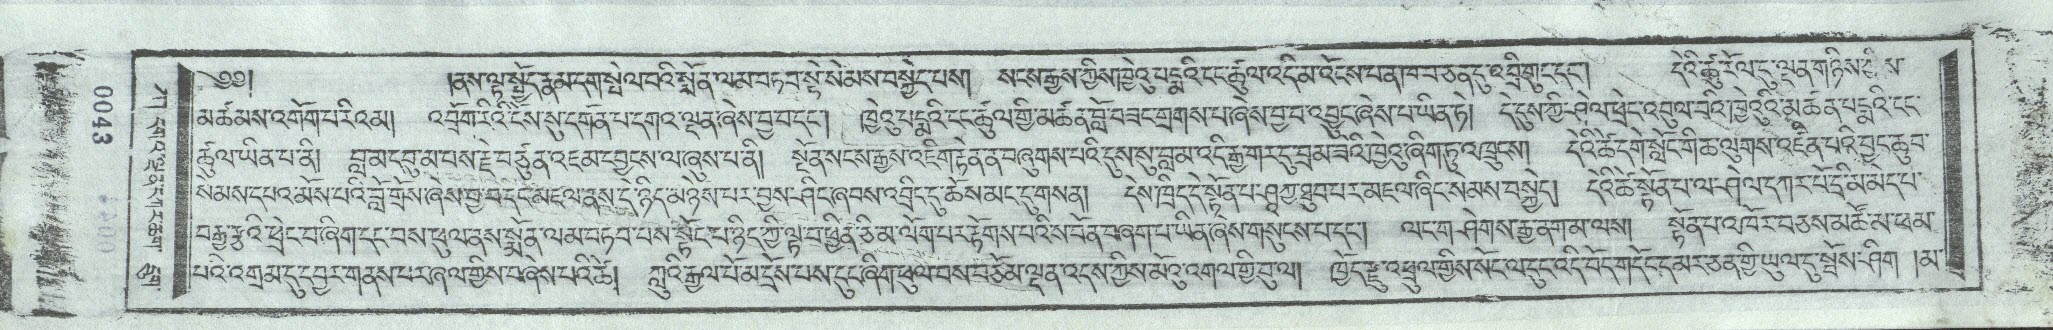༄༅། །ནས་ལྟ་སྤྱོད་རྣམ་དག་སྤེལ་པའི་སྨོན་ལམ་བཏབ་སྟེ་སེམས་བསྐྱེད་པས། སངས་རྒྱས་ཀྱིས་ཁྱེའུ་པདམའི་ངང་ཚུལ་འདི་མ་འོངས་པ་ན་ཁ་བ་ཅན་དུ་འབྲི་གུང་དང་། དེའི་ཚུ་རོལ་དུ་ལྡན་གཉིས་ཀྱི་ས་
མཚམས་འགོག་པ་རིའམ། འབྲོག་རིའི་ངོས་སུ་དགོན་པ་དགའ་ལྡན་ཞེས་བྱ་བ་དང་། ཁྱེའུ་པདམའི་ངང་ཚུལ་གྱི་མཚན་བློ་བཟང་གྲགས་པ་ཞེས་བྱ་བ་འབྱུང་ཞེས་པ་ཡིན་ཏེ། དེ་དུས་ཀྱི་ཤེལ་ཕྲེང་འབུལ་བའི་ཁྱེའུའི་མཚན་པདམའི་ངང་
ཚུལ་ཡིན་པ་ནི། བླ་མ་དབུ་མ་པས་རྗེ་བཙུན་འཇམ་དབྱངས་ལ་ཞུས་པ་ནི། སྔོན་སངས་རྒྱས་འཇིག་རྟེན་ན་བཞུགས་པའི་དུས་སུ་བླ་མ་འདི་རྒྱ་གར་དུ་བྲམ་ཟེའི་ཁྱེའུ་ཞིག་ཏུ་འཁྲུངས། དེའི་ཚེ་དགེ་སློང་གི་ཆ་ལུགས་འཛིན་པའི་བྱང་ཆུབ་
སེམས་དཔའ་མོས་པའི་བློ་གྲོས་ཞེས་བྱ་བ་དང་མཇལ་ནས་དེ་ཉིད་མཉེས་པར་བྱས་ཤིང་ཞབས་འབྲིང་དུ་ཆོས་མང་དུ་གསན། དེས་ཁྲིད་དེ་སྟོན་པ་ཤཱཀྱ་ཐུབ་བར་མཇལ་ཞིང་སེམས་བསྐྱེད། དེའི་ཚེ་སྟོན་པ་ལ་ཤེལ་དཀར་པོ་དྲི་མ་མེད་པ་
བརྒྱ་རྩའི་ཕྲེང་བ་ཞིག་དང་བས་ཕུལ་ནས་སྨོན་ལམ་བཏབ་པས་སྟོང་པ་ཉིད་ཀྱི་ལྟ་བ་ཕྱིན་ཅི་མ་ལོག་པར་རྟོགས་པའི་ས་བོན་བཞག་པ་ཡིན་ཞེས་གསུངས་པ་དང་། ལང་གཤེགས་རྒྱ་ནག་མ་ལས། སྟོན་པ་འཁོར་བཅས་མཚོ་མང?་མ་
པའི་འགྲམ་དུ་དབྱར་གནས་པར་ཞལ་གྱིས་བཞེས་པའི་ཚེ། ཀླུའི་རྒྱལ་པོ་མདྲོས་པས་དུང་ཞིག་ཕུལ་བས་བཅོམ་ལྡན་འདས་ཀྱིས་མོའུ་འགལ་གྱི་བུ་ལ། ཁྱོད་རྫུ་འཕྲུལ་གྱིས་སོང་ལ་དུང་འདི་བོད་གདོང་དམར་ཅན་གྱི་ཡུལ་དུ་སྦོས་ཤིག །མ་